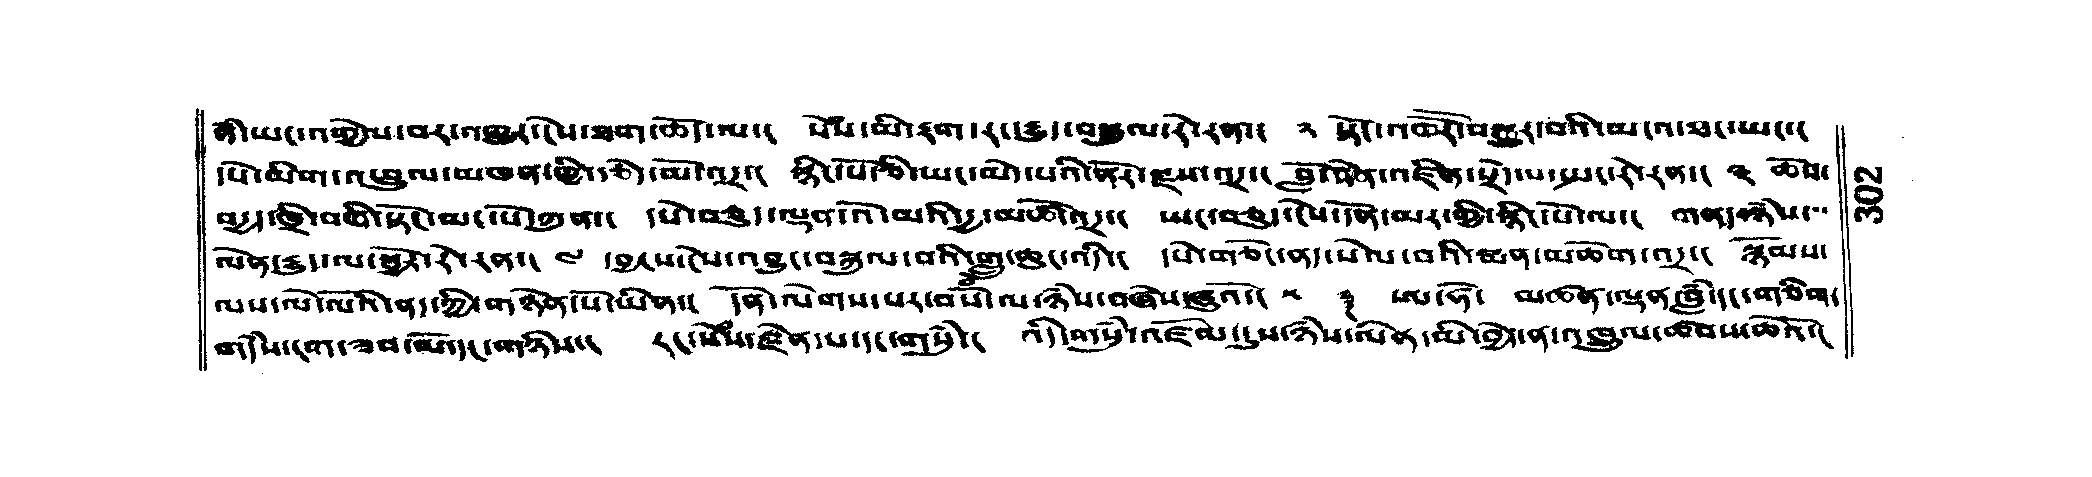།ནམ་ཡང་འགྱེལ་བར་འགྱུར་ངེས་ཐག་ཆོད་ལ། །སེམས་མི་རྟག་རང་རྒྱུད་བསྐུལ་རེ་རན། ༢ །སྟོང་འཁོར་ལོས་བསྒྱུར་བའི་མངའ་ཐང་ཡང་། །
དཔེ་མིག་འཕྲུལ་མཁན་གྱི་རྩེད་མོ་འདྲ། །སྙིང་པོ་ཅི་ཡང་མེད་པའི་ནོར་རྫས་འདྲ། །བློ་ཞེན་འཛིན་སྲེད་པ་སྤང་རེ་རན། ༣ །ཆོས་
བརྒྱད་ཁྲི་བཞི་སྟོང་མང་པོ་ཀུན། །དཔེ་བཅུད་ལྡན་འོ་མའི་རྒྱ་མཚོ་འདྲ། །ཡང་བཅུད་ངེས་དོན་མར་གྱི་སྙིང་པོ་ལ། །གནད་ཉམས་
ལེན་རྒྱུད་ལ་སྦྱོར་རེ་རན། ༤ །དབྱངས་ངེས་འབྱུང་བསྐུལ་བའི་གླུ་ཆུང་འདི། །དཔེ་གཅོང་ནད་སེལ་བའི་སྨན་མཆོག་འདྲ། །སྙོམས་
ལས་ལེ་ལོའི་ནད་ཀྱི་གཉེན་པོ་ཡིན། །དོན་ལེགས་པར་སོམས་ལ་ཉམས་བཞེས་ཞུའོ།། ༥ ༈ ཨ་ཧོ། མཚན་ལྡན་བླ་མ་དང་གཅིག 
གདམས་ངག་ཟབ་མོ་དང་གཉིས། རང་སེམས་རྗེན་པ་དང་གསུམ། འདི་གསུམ་འཛོམ་དུས་ཉམས་ལེན་མི་བྱེད་ན་འཁྲུལ་ཚབས་ཆེའོ།།